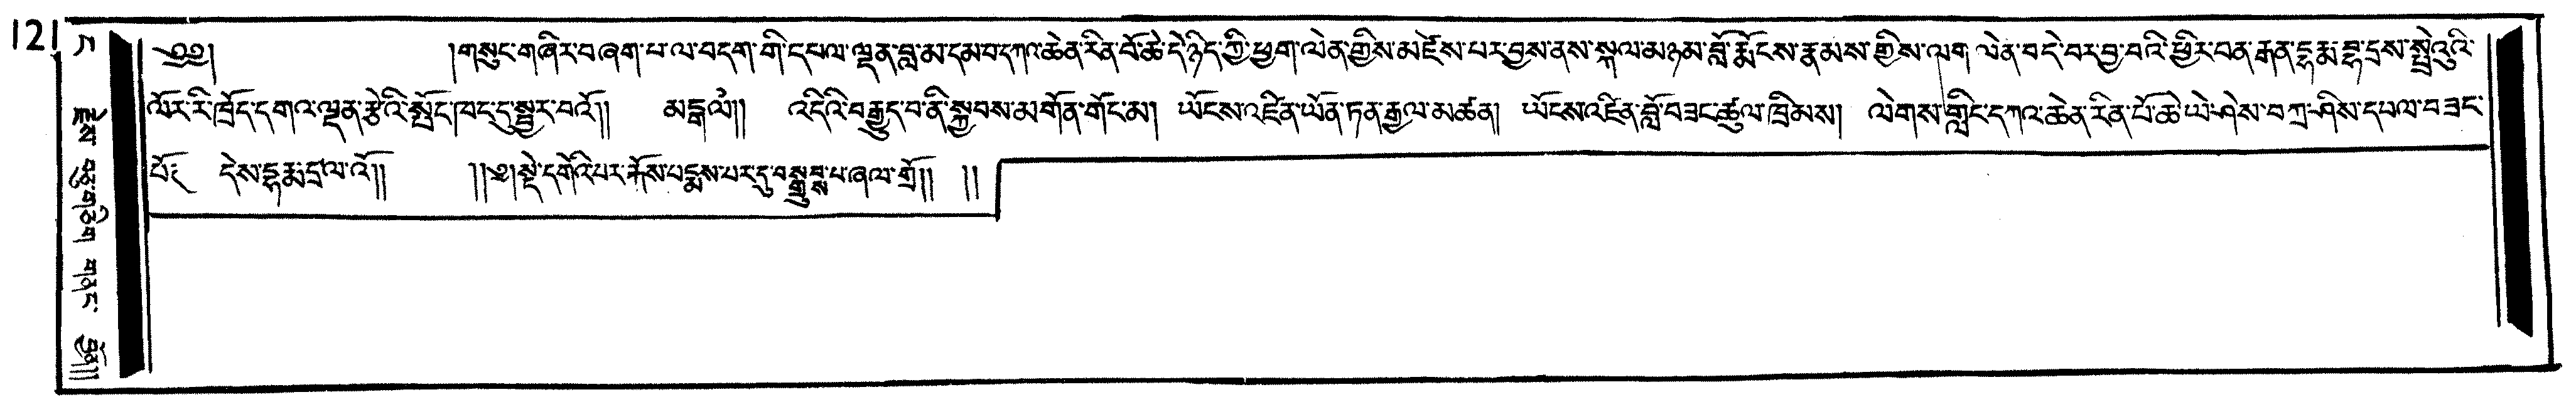༄༅། །གསུང་གཞིར་བཞག་པ་ལ་བདག་གི་དཔལ་ལྡན་བླ་མ་དམ་པ་དཀའ་ཆེན་རིན་པོ་ཆེ་དེ་ཉིད་ཀྱི་ཕྱག་ལེན་གྱིས་མཛེས་པར་བྱས་ནས་སྐལ་མཉམ་བློ་རྨོངས་རྣམས་གྱིས་ལག་ལེན་བདེ་བར་བྱ་བའི་ཕྱིར་བན་རྒན་དྷ་རྨ་བྷ་དྲས་སྤྲེའུའི་
ལོར་རི་ཁྲོད་དགའ་ལྡན་རྩེའི་སྤོང་ཁང་དུ་སྦྱར་བའོ།། མངྒལཾ།། འདིའི་བརྒྱུད་བ་ནི་སྐྱབས་མགོན་གོང་མ། ཡོངས་འཛིན་ཡོན་ཏན་རྒྱལ་མཚན། ཡོངས་འཛིན་བློ་བཟང་ཚུལ་ཁྲིམས། ལེགས་གླིང་དཀའ་ཆེན་རིན་པོ་ཆེ་ཡེ་ཤེས་བཀྲ་ཤིས་དཔལ་བཟང་
པོ༑ དེས་དྷརྨ་དྲ་ལ་འོ།། །།༄༅།སྡེ་དགེའི་པར་རྐོས་པདམས་པར་དུ་བསྒྲུབས་པ་ཞལ་གྲོ།། །།